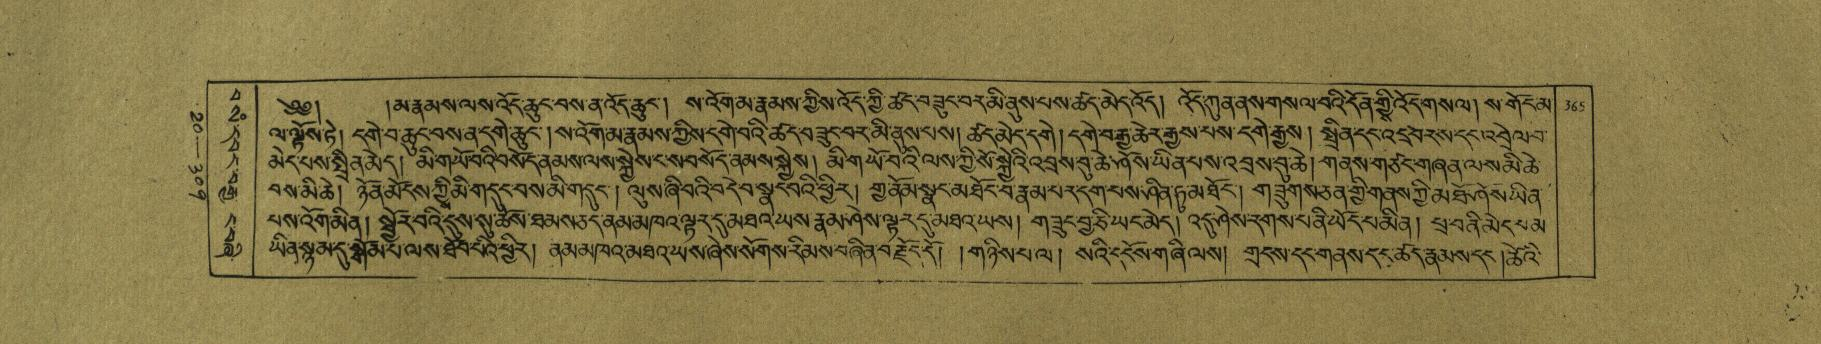༄༅། །མ་རྣམས་ལས་འོད་ཆུང་བས་ན་འོད་ཆུང་། ས་འོག་མ་རྣམས་ཀྱིས་འོད་ཀྱི་ཚད་བཟུང་བར་མི་ནུས་པས་ཚད་མེད་འོད། འོད་ཀུན་ནས་གསལ་བའི་དོན་གྱིས་འོད་གསལ། ས་གོང་མ་
ལ་ལྟོས་ཏེ། དགེ་བ་ཆུང་བས་ན་དགེ་ཆུང་། ས་འོག་མ་རྣམས་ཀྱིས་དགེ་བའི་ཚད་བཟུང་བར་མི་ནུས་པས། ཚད་མེད་དགེ། དགེ་བརྒྱ་ཆེར་རྒྱས་པས་དགེ་རྒྱས། སྤྲིན་དང་འདྲ་བར་ས་དང་འབྲེལ་བ་
མེད་པས་སྤྲིན་མེད། མི་གཡོ་བའི་བསོད་ནམས་ལས་སྐྱེས་པས་བསོད་ནམས་སྐྱེས། མི་གཡོ་བའི་ལས་ཀྱི་སོ་སྐྱེའི་འབྲས་བུ་ཆེ་ཤོས་ཡིན་པས་འབྲས་བུ་ཆེ། གནས་གཙང་གཞན་ལས་མི་ཆེ་
བས་མི་ཆེ། ཉོན་མོངས་ཀྱིས་མི་གདུང་བས་མི་གདུང་། ལུས་ཞི་བའི་བདེ་བ་སྣང་བའི་ཕྱིར། གྱ་ནོམ་སྣང་མཐོང་བ་རྣམ་པར་དག་པས་ཤིན་ཏུ་མཐོང་། གཟུགས་ཅན་གྱི་གནས་ཀྱི་མཐོ་ཤོས་ཡིན་
པས་འོག་མིན། སྦྱོར་བའི་དུས་སུ་ཆོས་ཐམས་ཅད་ནམ་མཁའ་ལྟར་དུ་མཐའ་ཡས་རྣམ་ཤེས་ལྟར་དུ་མཐའ་ཡས། གཟུང་བྱ་ཅི་ཡང་མེད། འདུ་ཤེས་རགས་པ་ནི་ཡོད་པ་མིན། ཕྲ་བ་ནི་མེད་པ་མ་
ཡིན་སྙམ་དུ་སྒོམ་པ་ལས་ཐོབ་པའི་ཕྱིར། ནམ་མཁའ་མཐའ་ཡས་ཞེས་སོགས་རིམས་བཞིན་བརྗོད་དོ། །གཉིས་པ་ལ། སའི་དངོས་གཞི་ལས། གྲངས་དང་གནས་དང་ཚད་རྣམས་དང་། ཚེའི་